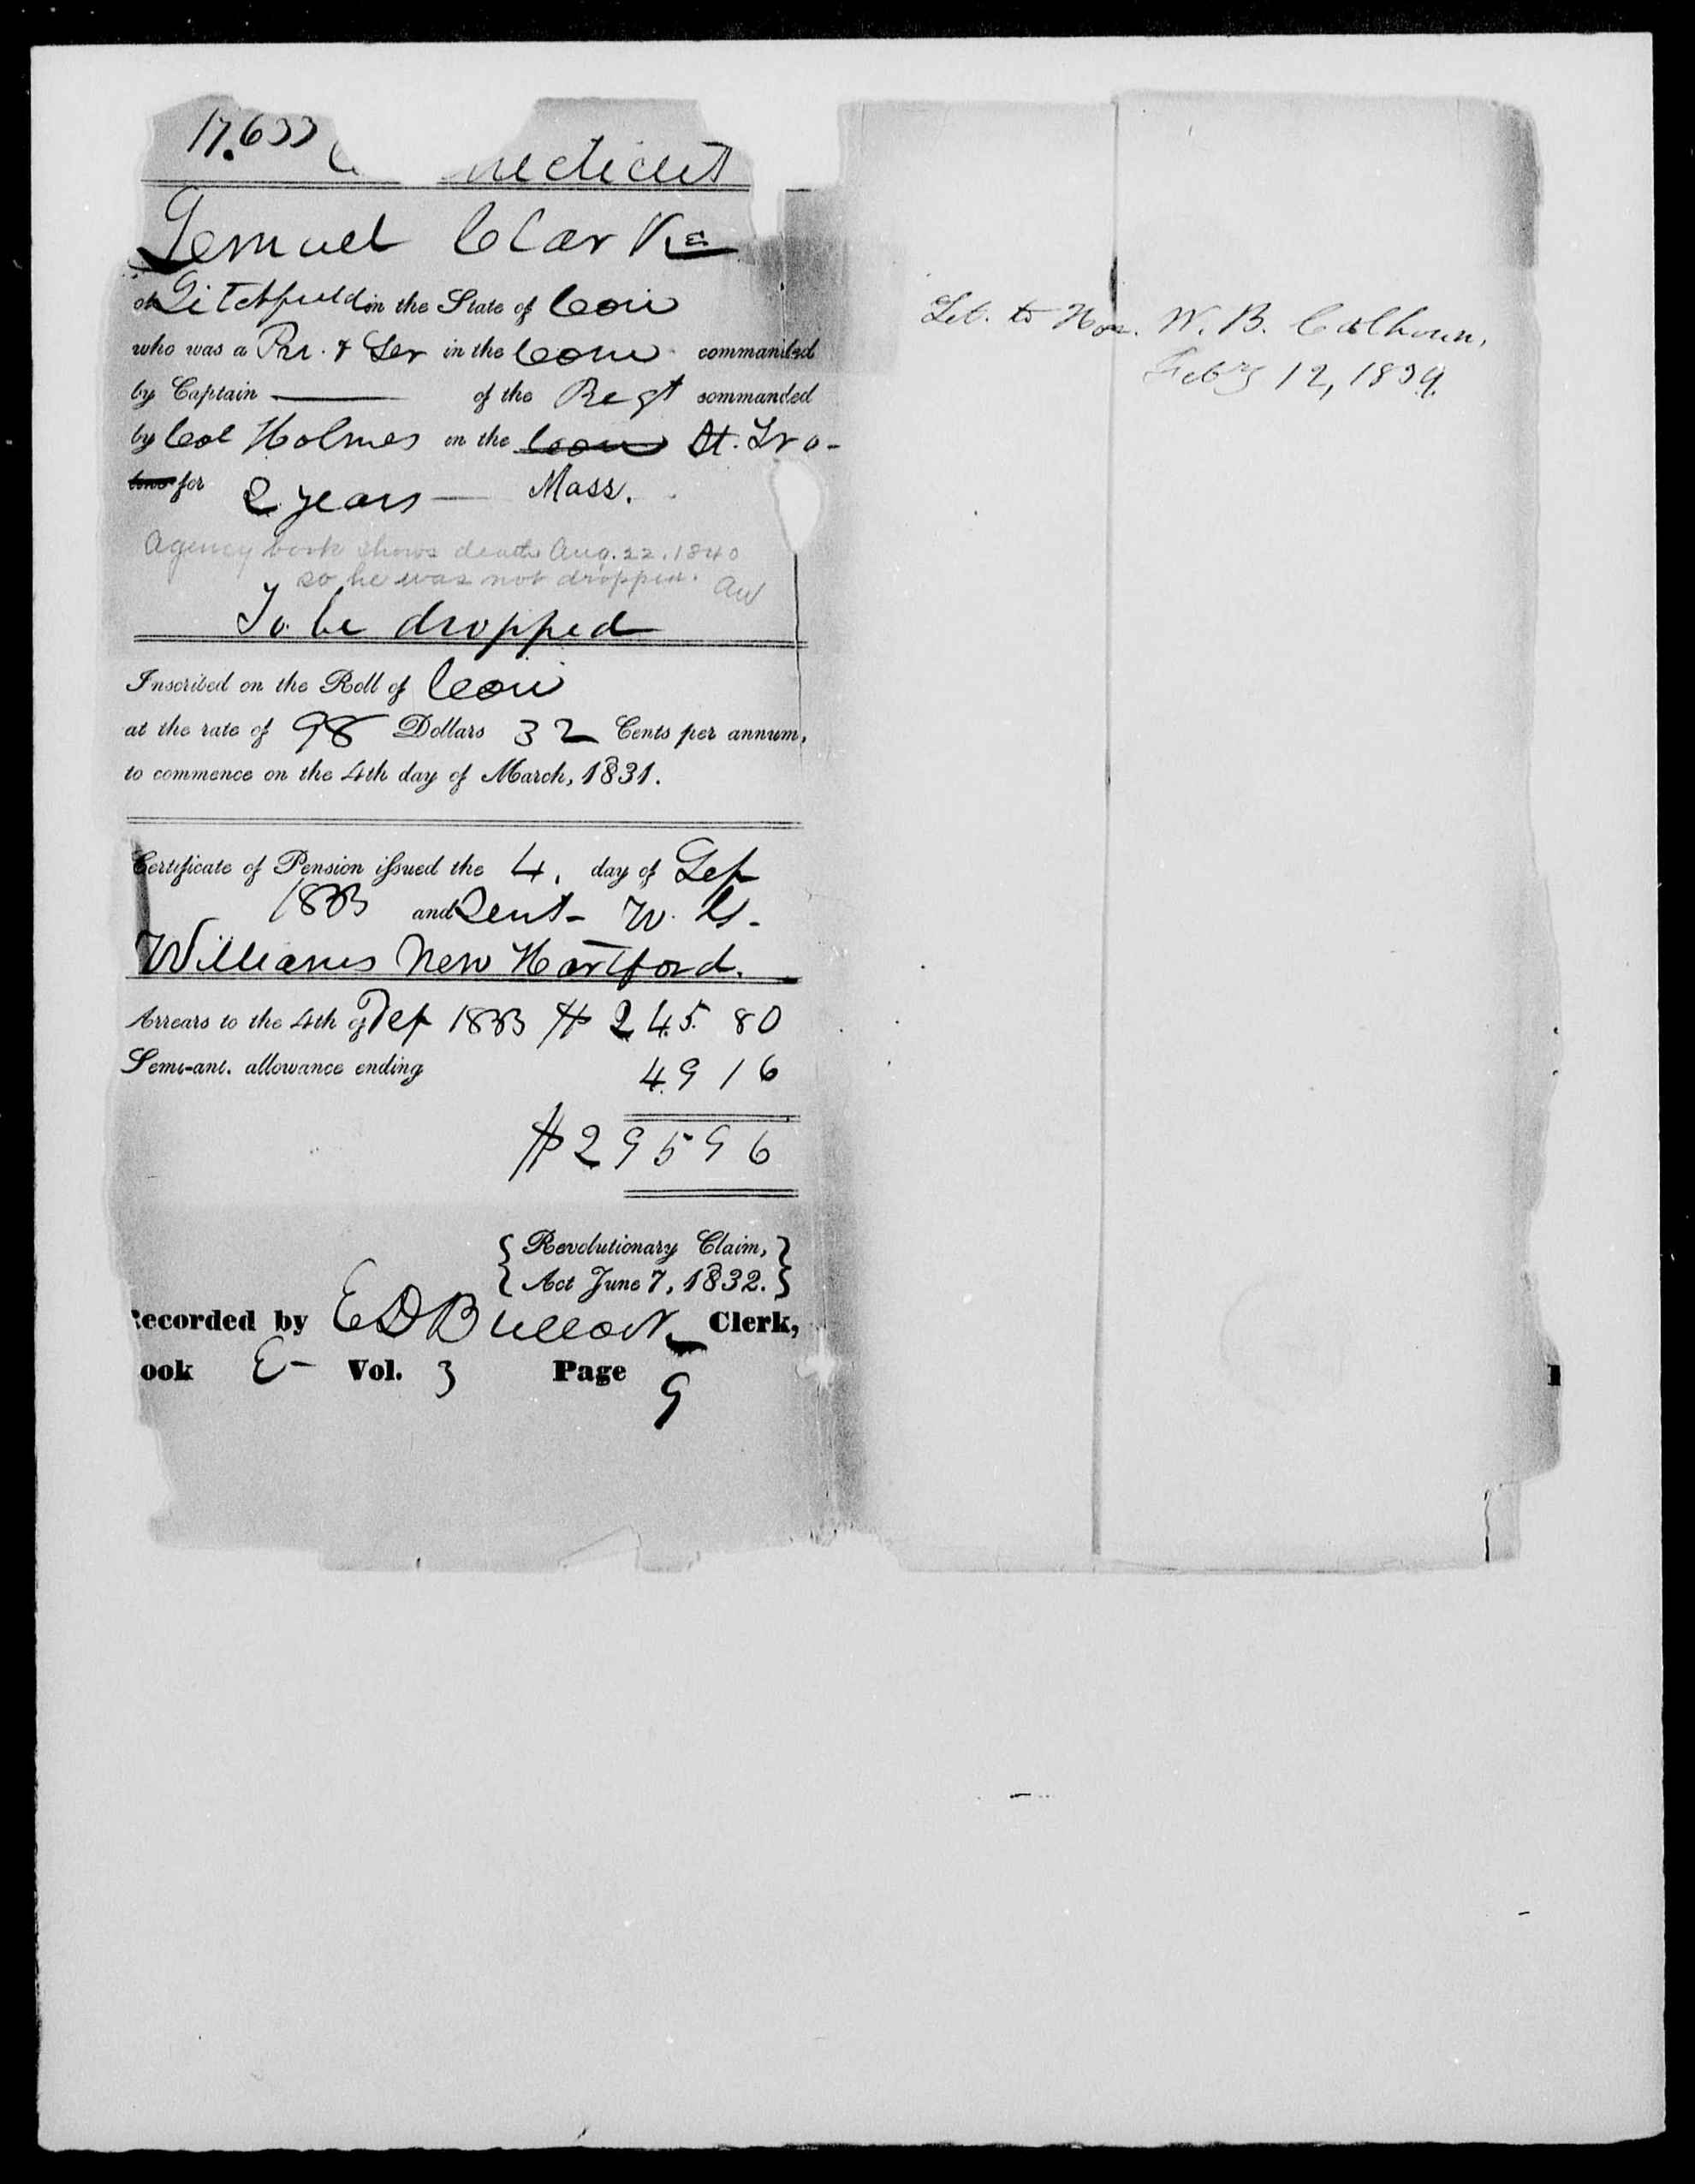[Left page]
17.633 Connecticut
 Lemuel C Clarke
of Litchfield in the State of Conn
who was a Pri & Ser in the Conn
commanded
by Captain --------- of the Regt commanded
by Col Holmes of the [crossed out illegible] St. Lro Mass 
for 2 years
Agency book shows death Aug. 22. 1840
so he was not dropped.
To be dropped

Inscribed on the Roll of Con
at the rate of 98 Dollars 32 Cents per annum,
to commence on the 4th day of March, 1831.

Certificate of Pension issued the 4, day of Sep
1803 and sent W.G.
Williams New Hartford

Arrears to the 4th of Sep 1833 $245 80
Semi-ant. allowance ending 49 16
$295 96
{Revolutionary Claim,}
{Act June 7, 1832.}
Recorded by ED Bullon Clerk,
Book E- Vol. 3 Page 9

Right page:
Let to Hon. W.B. Calhorn,
Feby 12, 1839.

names: E D Bullock, W B Calhoun, Lemuel Clarke, Holmes, G Williams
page: 2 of 48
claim: survivor's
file: S. 17343, Lemuel Clarke, Mass.